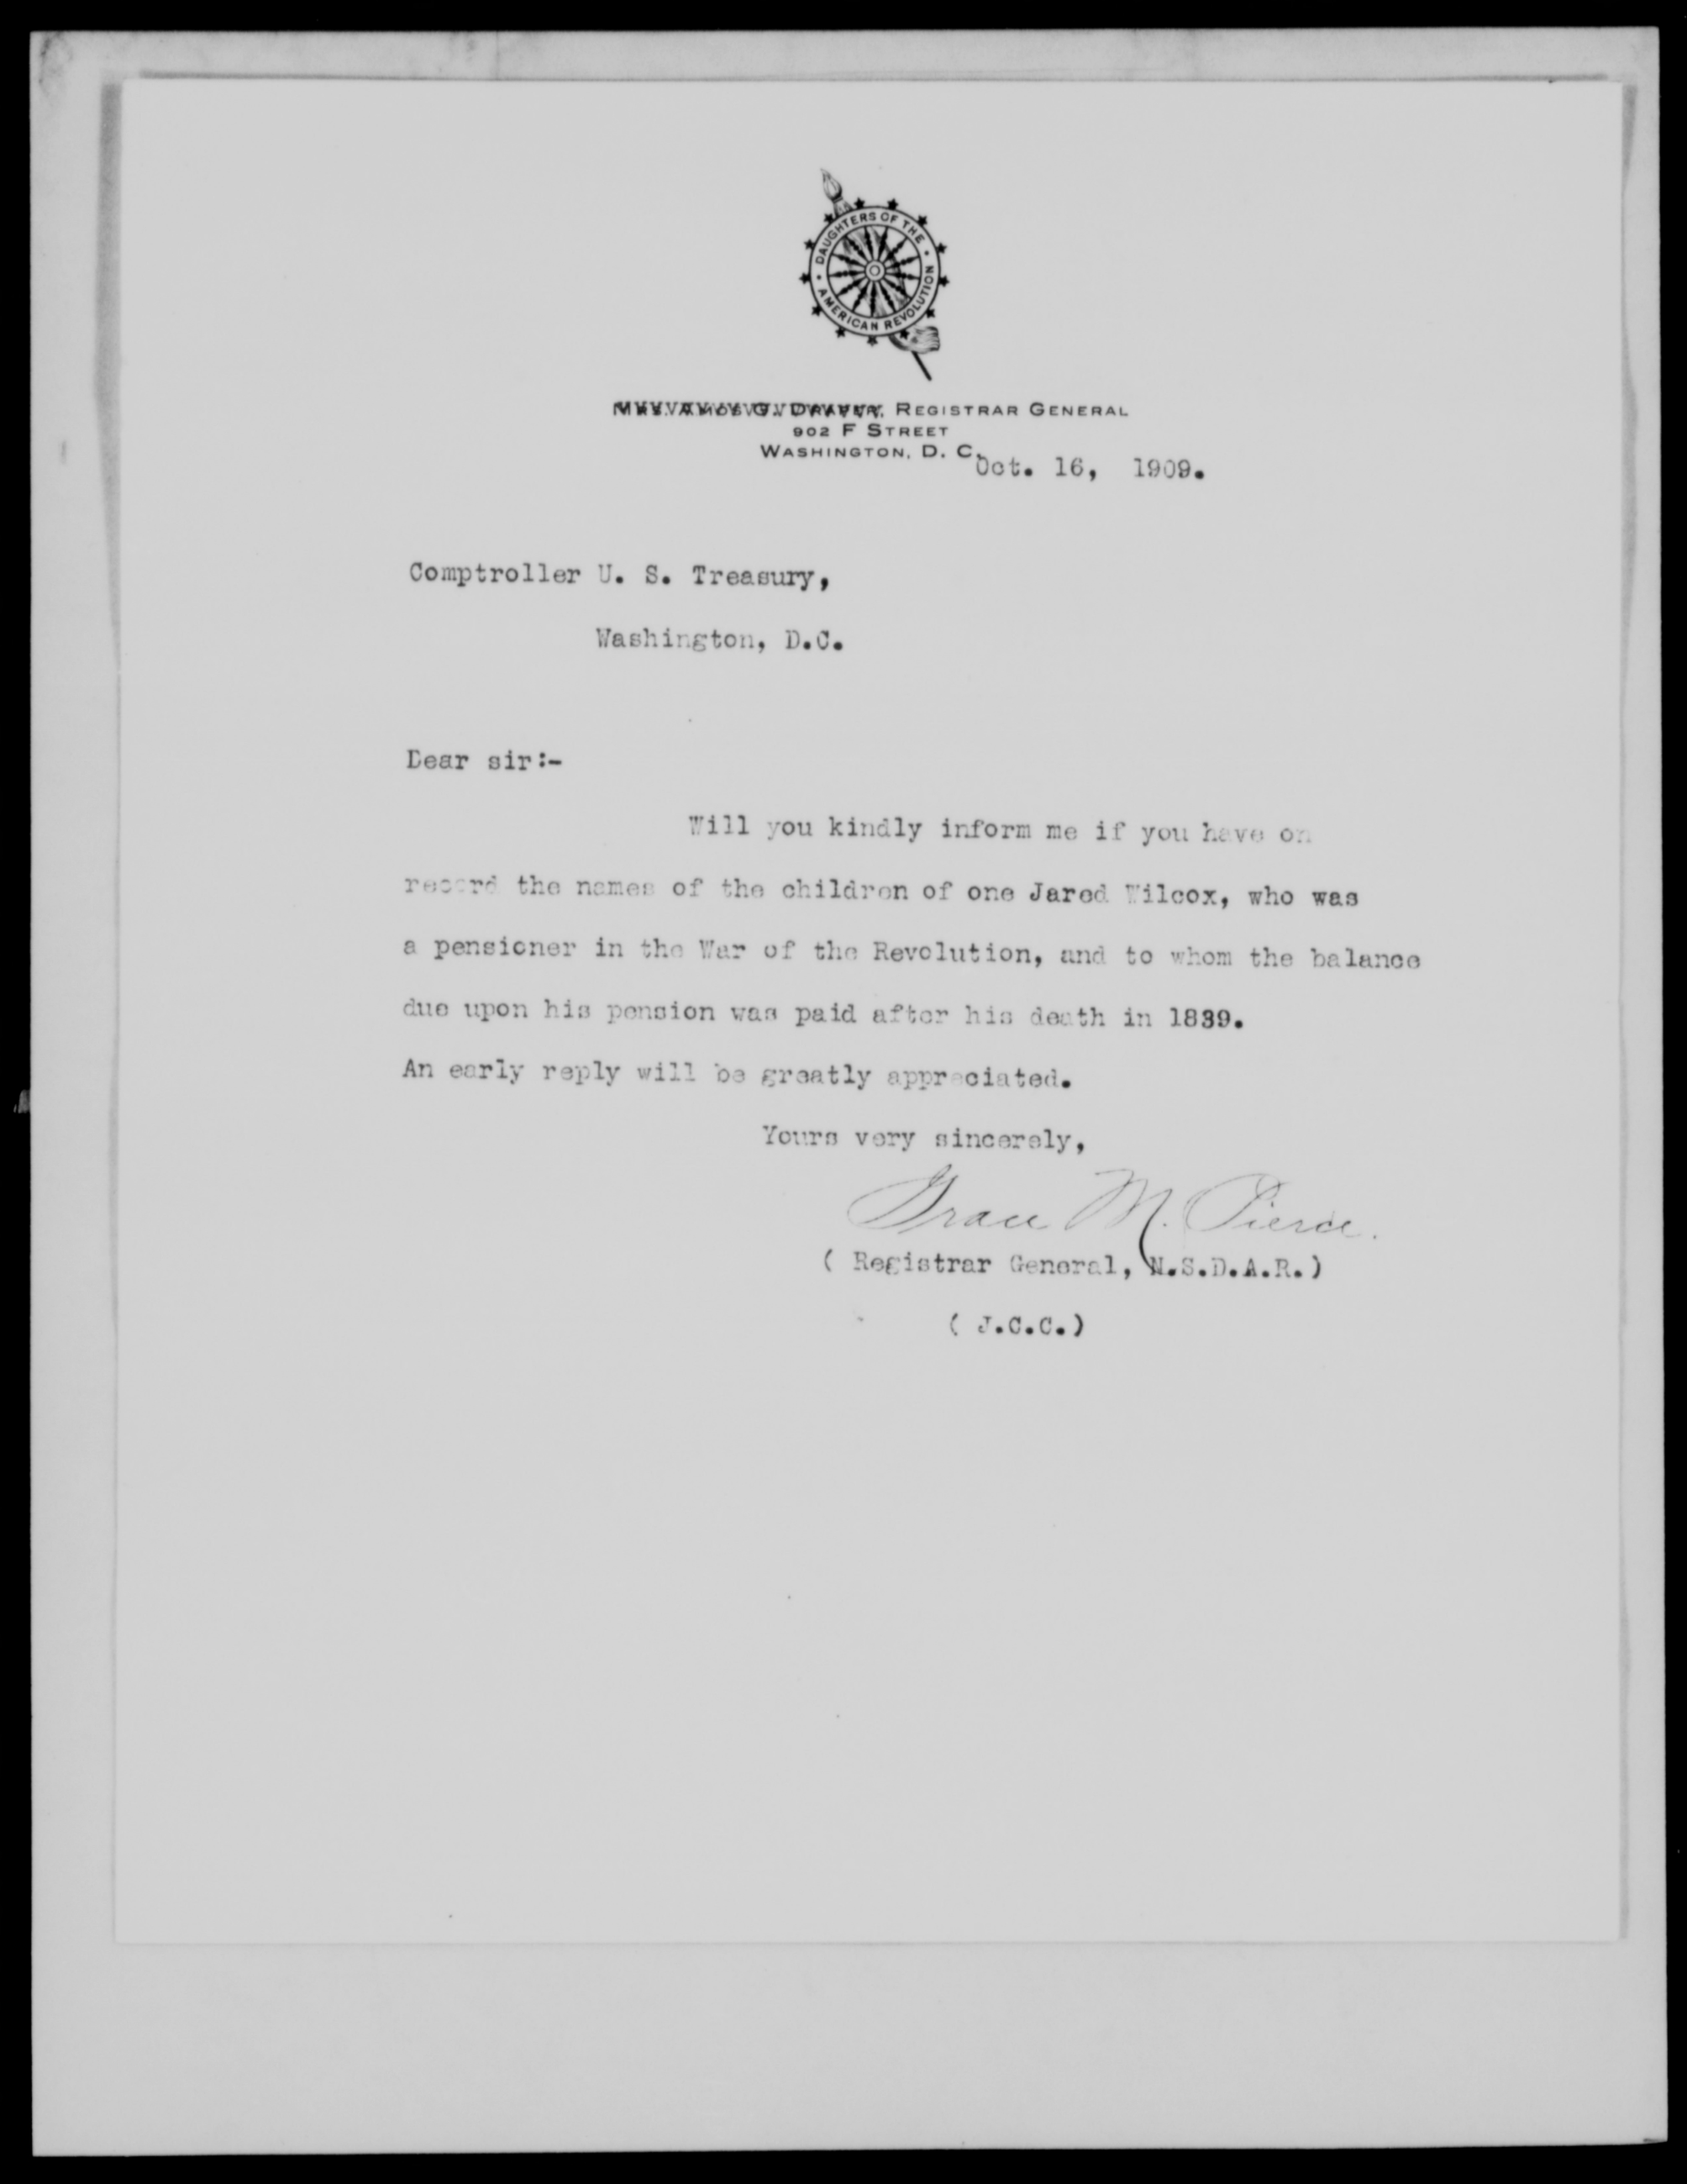[SEAL]
DAUGHTERS OF THE AMERICAN REVOLUTION

REGISTRAR GENERAL
902 F STREET
WASHINGTON, D.C.

Oct. 16, 1909.

Comptroller U. S. Treasury,
Washington, D C. 

Dear sir: -

Will you kindly inform me if you have on
record the names of the children of one Jared Wilcox, who was
a pensioner in the War of the Revolution, and to whom the balance
due upon his pension was paid after his death in 1839.
An early reply will be greatly appreciated.

Yours very sincerely,
Grace M. Pierce (signature)
(Registrar General, N.S.D.A.R.)
(J.C.C.0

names: Jared Wilcox, Grace M Pierce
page: 21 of 34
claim: survivor's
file: S. 41337, Jared Wilcox, Continental Mass.